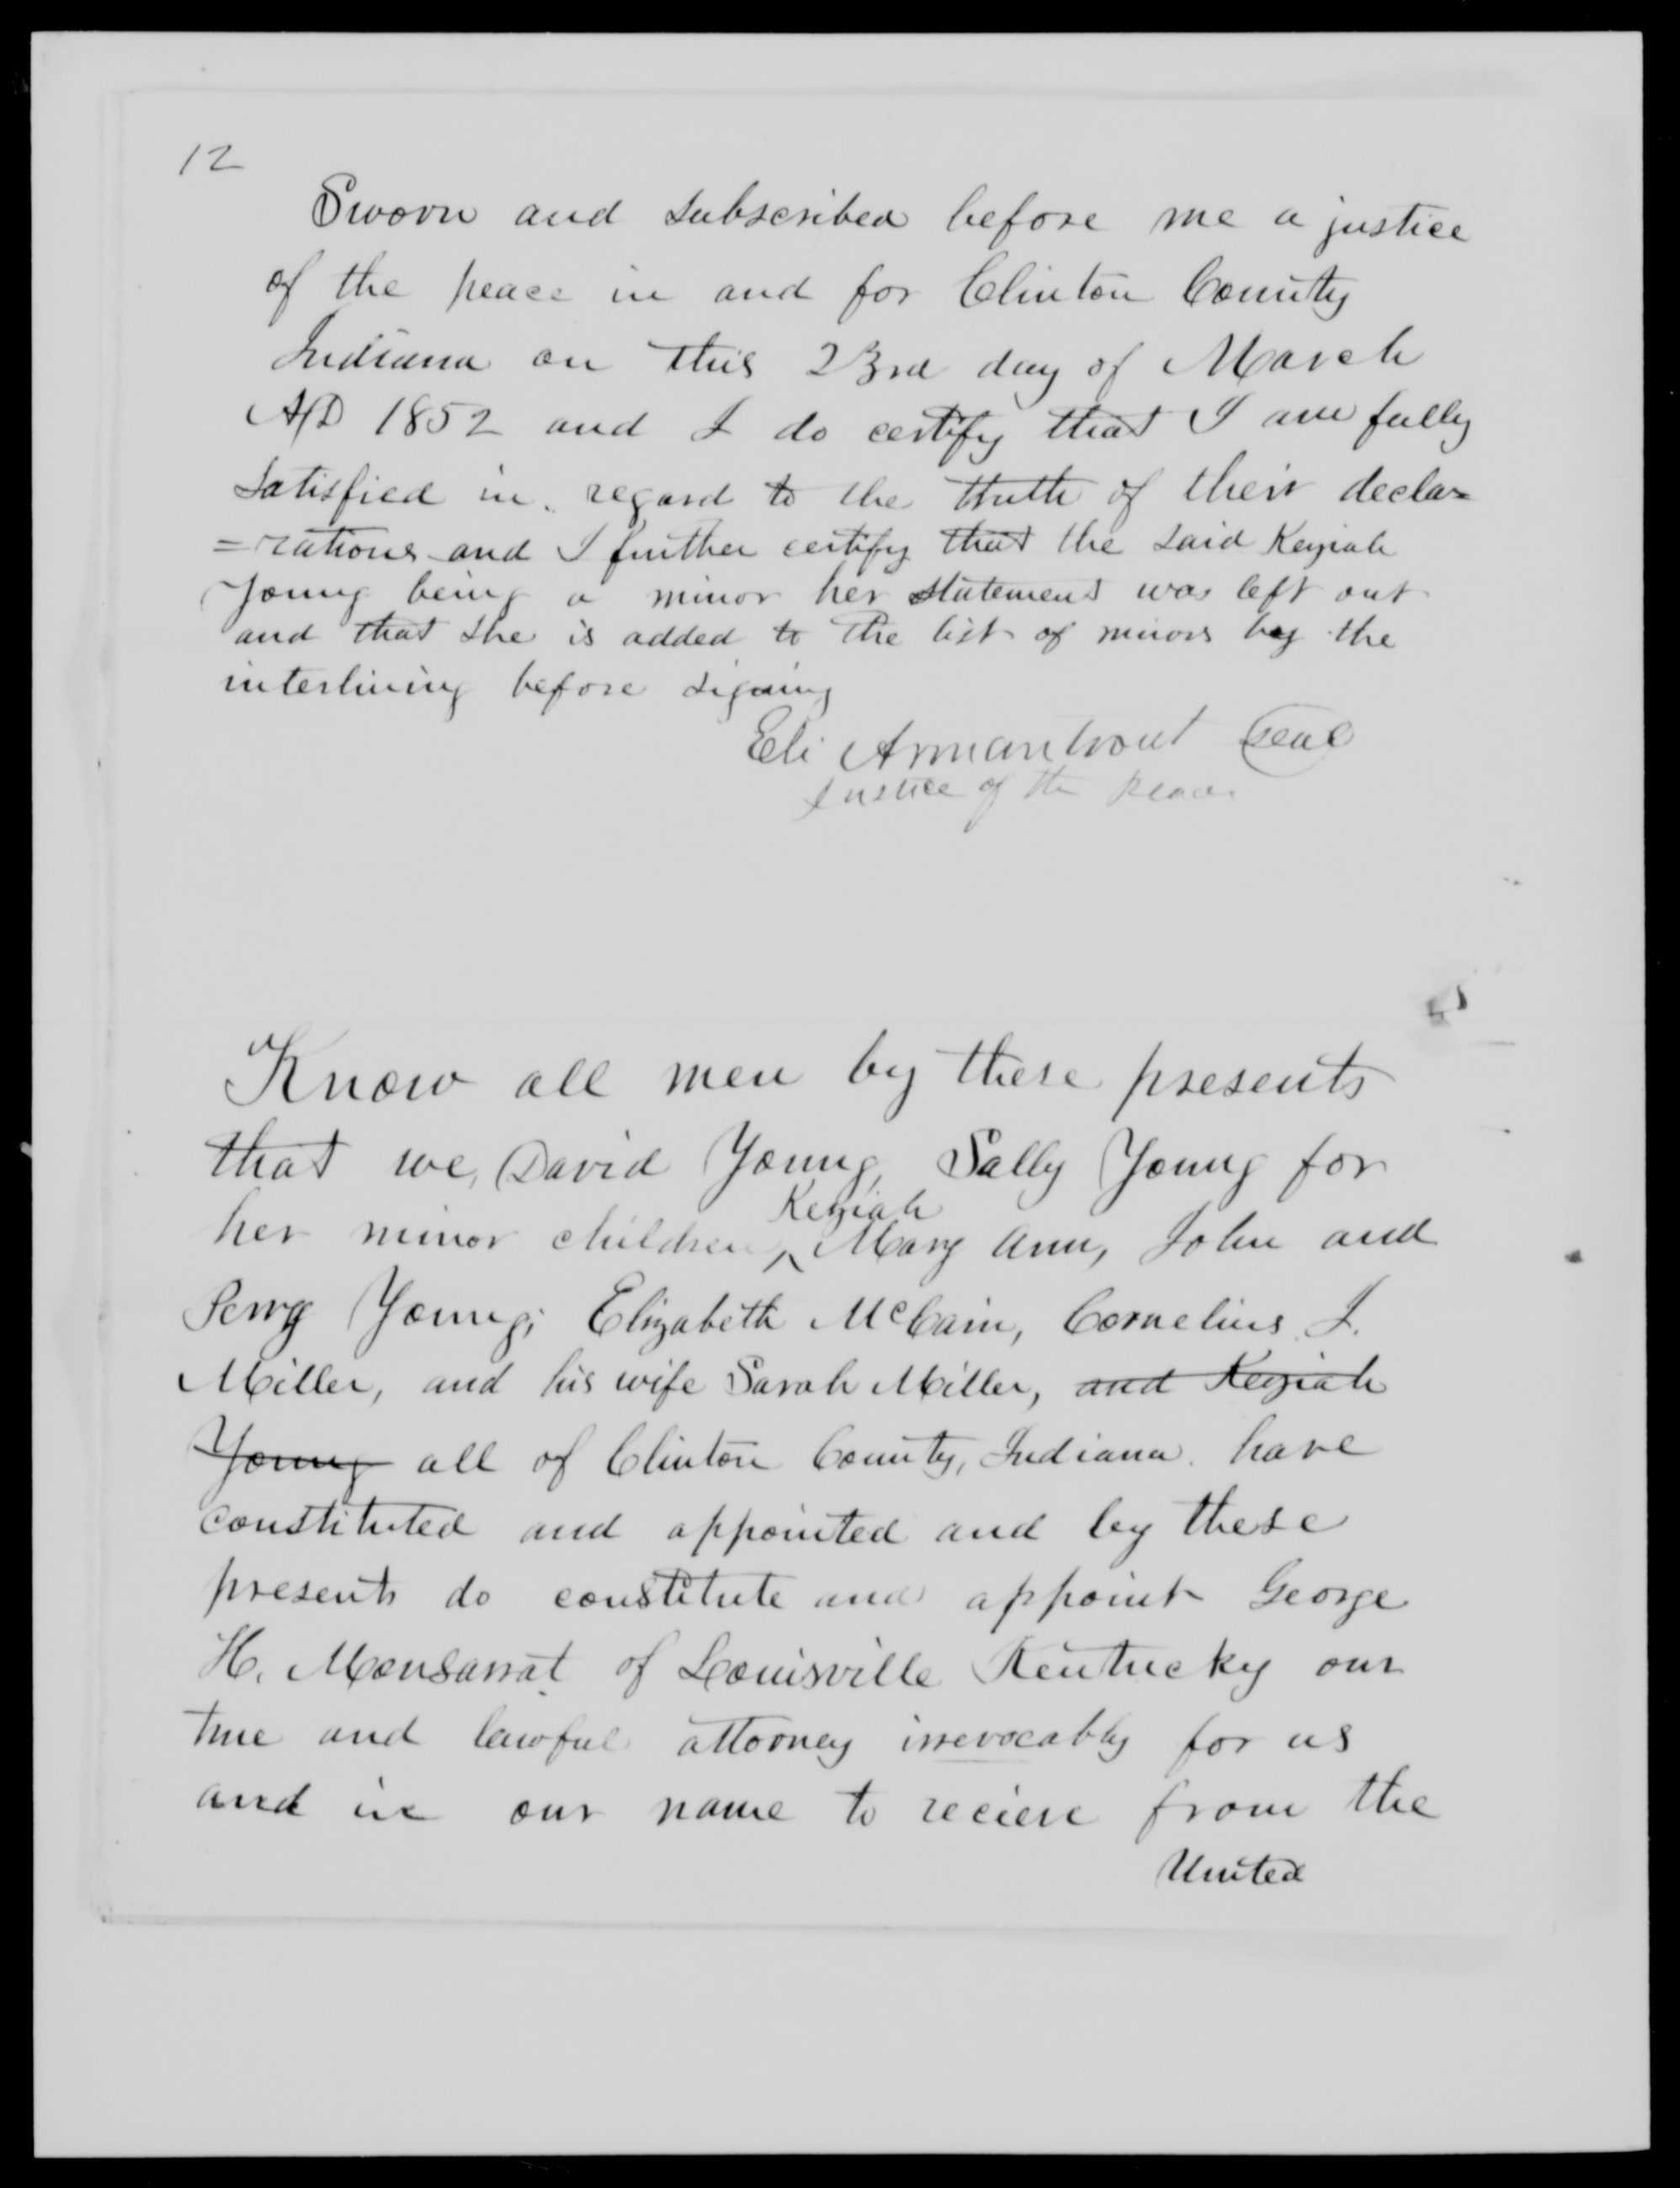12
Sworn and subscribed before me a justice
of the peace in and for Clinton County
Indiana on this 3rd day of March
AD 1852 and I do certify that I am fully
satisfied in regard to the truth of their declarations and I further certify that the said Keziah
Young being a minor her statement was left out
and that she is added to the list of minors by the
interlining before signing
Eli Armantrout (Seal)
Justice of the Peace

Know all men by these presents
that we David Young, Sally Young for
her minor children Keziah, Mary Ann, John and
Perry Young, Elizabeth McCain, Cornelius J.
Miller, and his wife Sarah Miller, [crossed out ‘and Keziah Young’] all of Clinton County, Indiana have
constituted and appointed and by these
presents do constitute and appoint George
H. Monsarrat of Louisville Kentucky our
true and lawful attorney irrevocably for us
and in our name to receive from the
United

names: Perry Young, David Young, Mary Ann, Eli Armantrout, Cornelius J Miller, Elizabeth Mc Cain, John, George H Monsarrat, Keziah Young, Sarah Miller, Sally Young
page: 31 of 123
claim: rejected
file: R. 11,949, Matthias Young, Md.